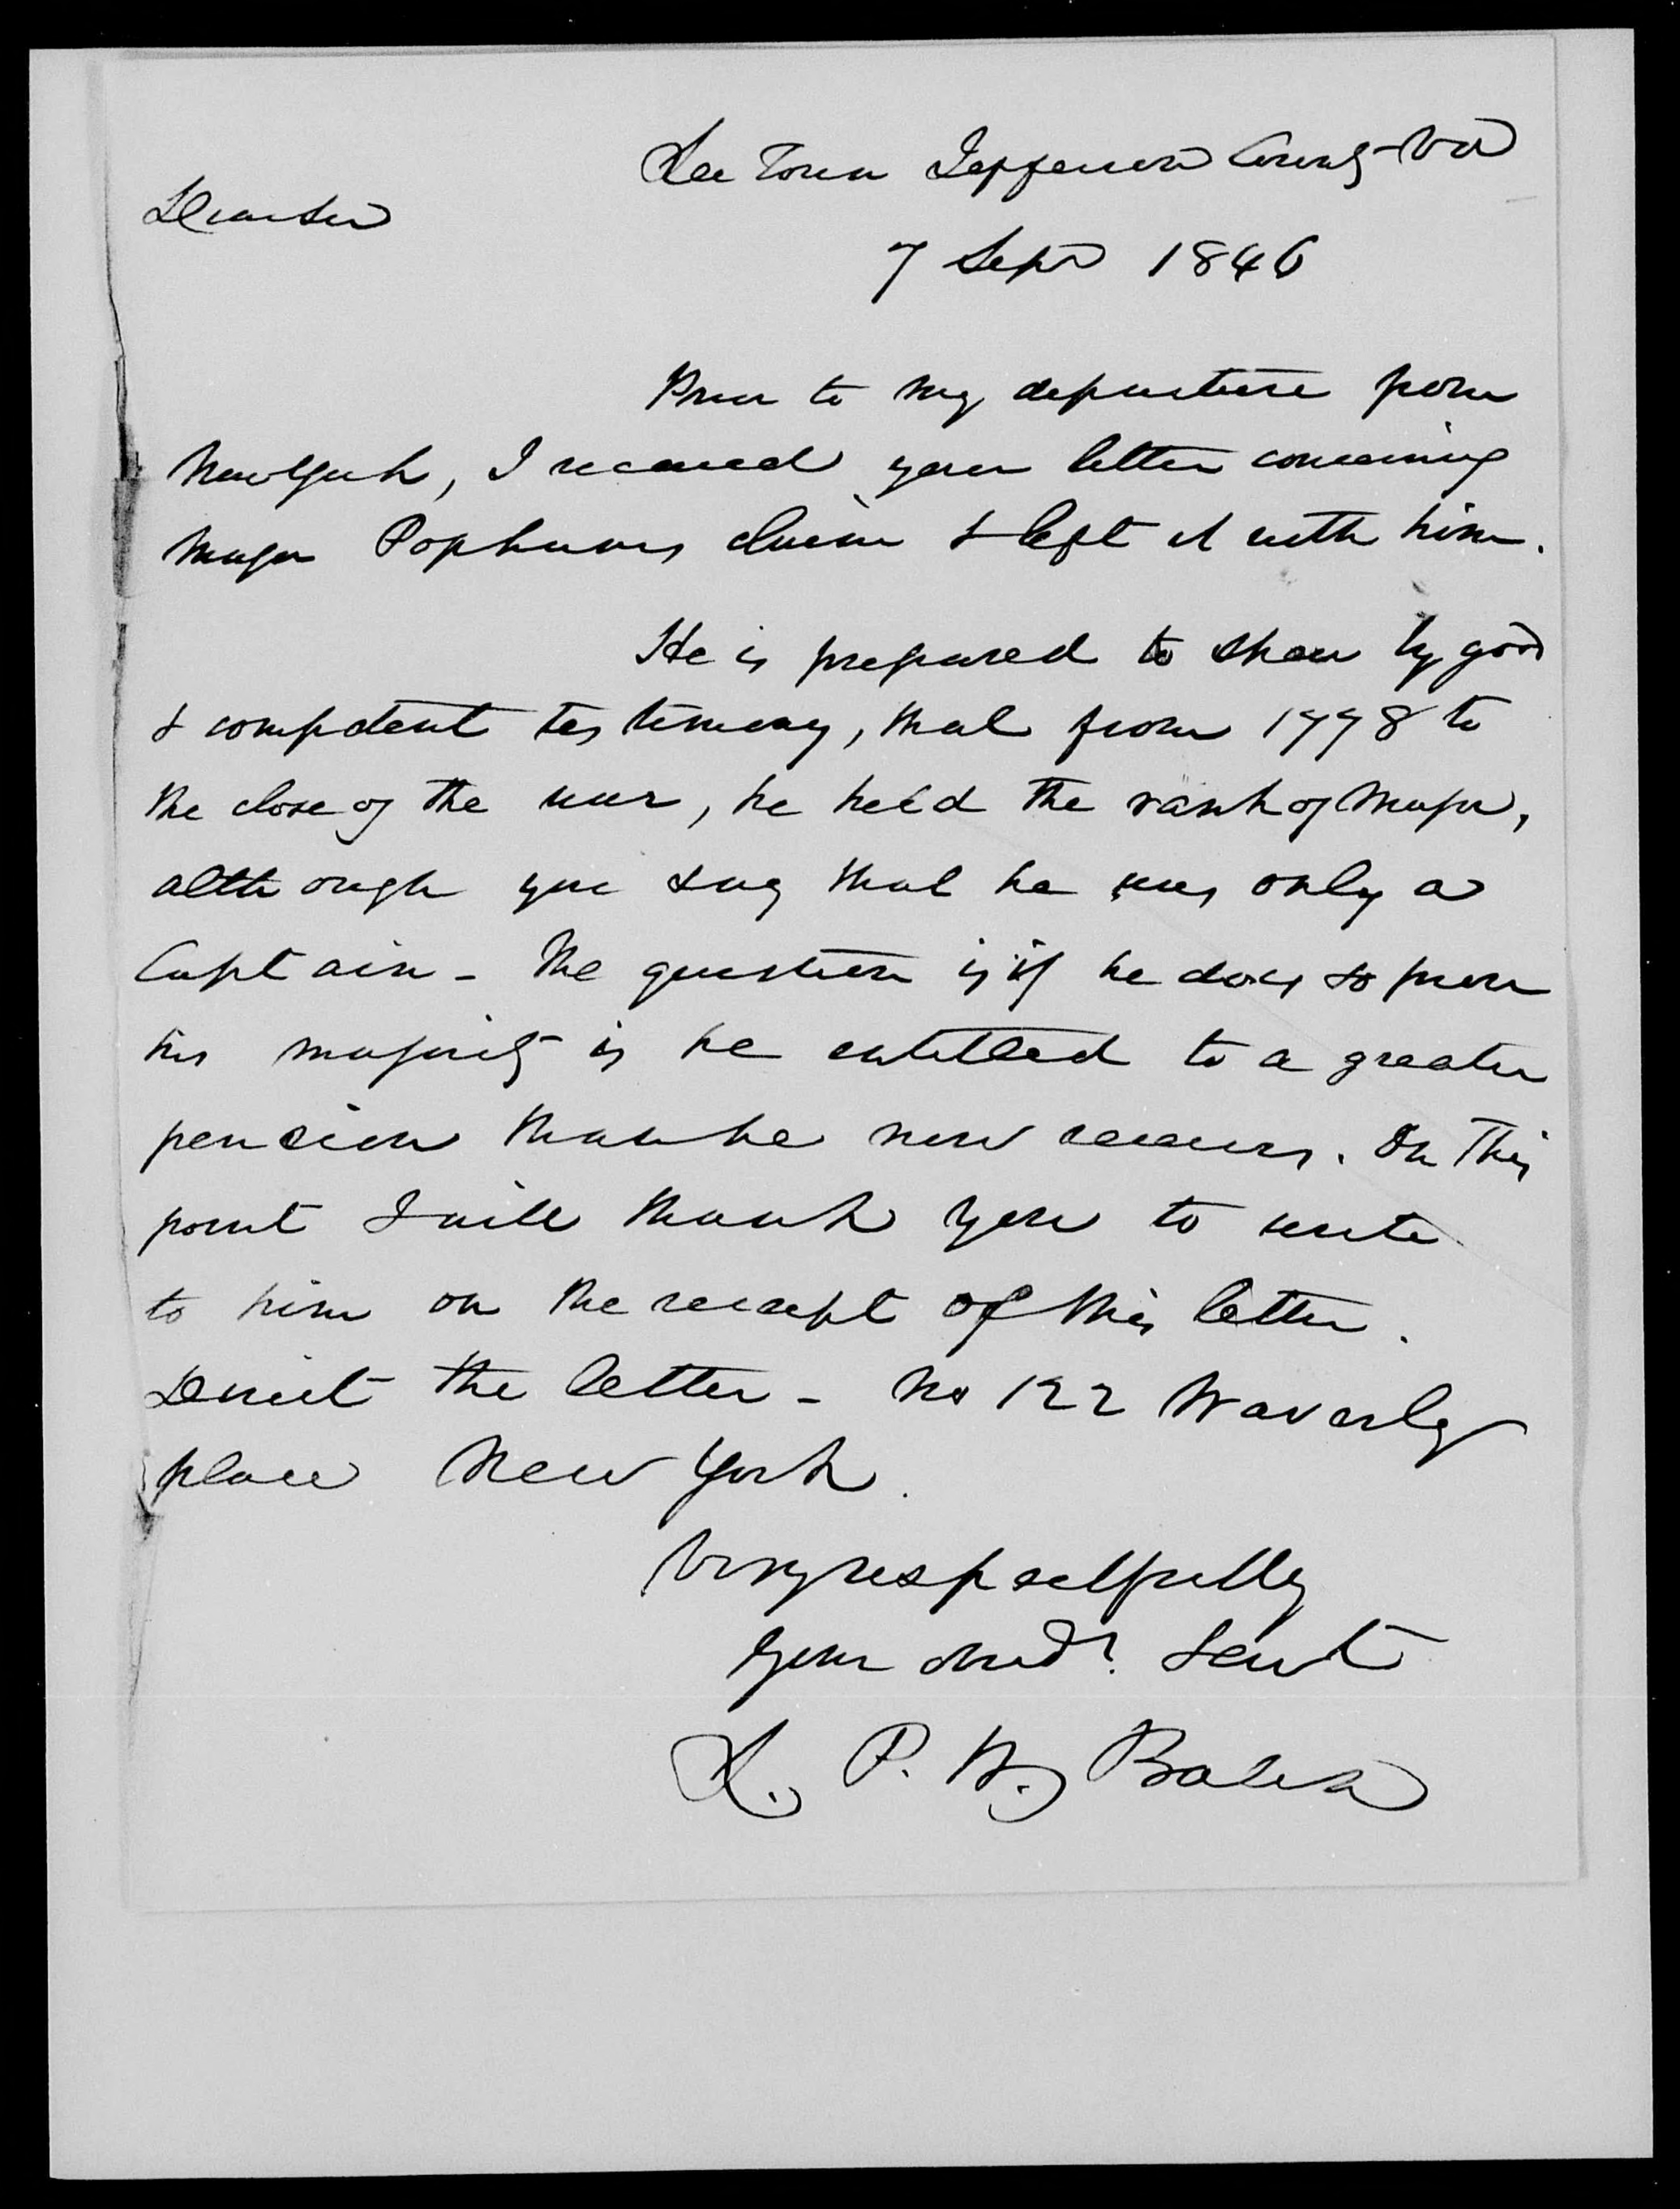Lee Town Jefferson County Va
7 Sept 1846
Dear Sir,
Due to my departure from
New York, I received your letter concerning
Major Pophams claim & left it with him.
He is prepared to show by good
competent testimony, that from 1778 to
the close of the war, he held the rank of Major,
although you say that he was only a
Captain - The question is if he does so prove
his majority is he entitled to a greater
pension that he now receives. On the
point I will thank you to write
to him on the receipt of this letter
Direct the letter No 122 Waverly place New York.
Very respectfully
your said servant
L.P.W. Balch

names: [BLANK] Popham; L P W Balch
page: 20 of 75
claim: survivor's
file: S. 9989, for William Popham, Delaware